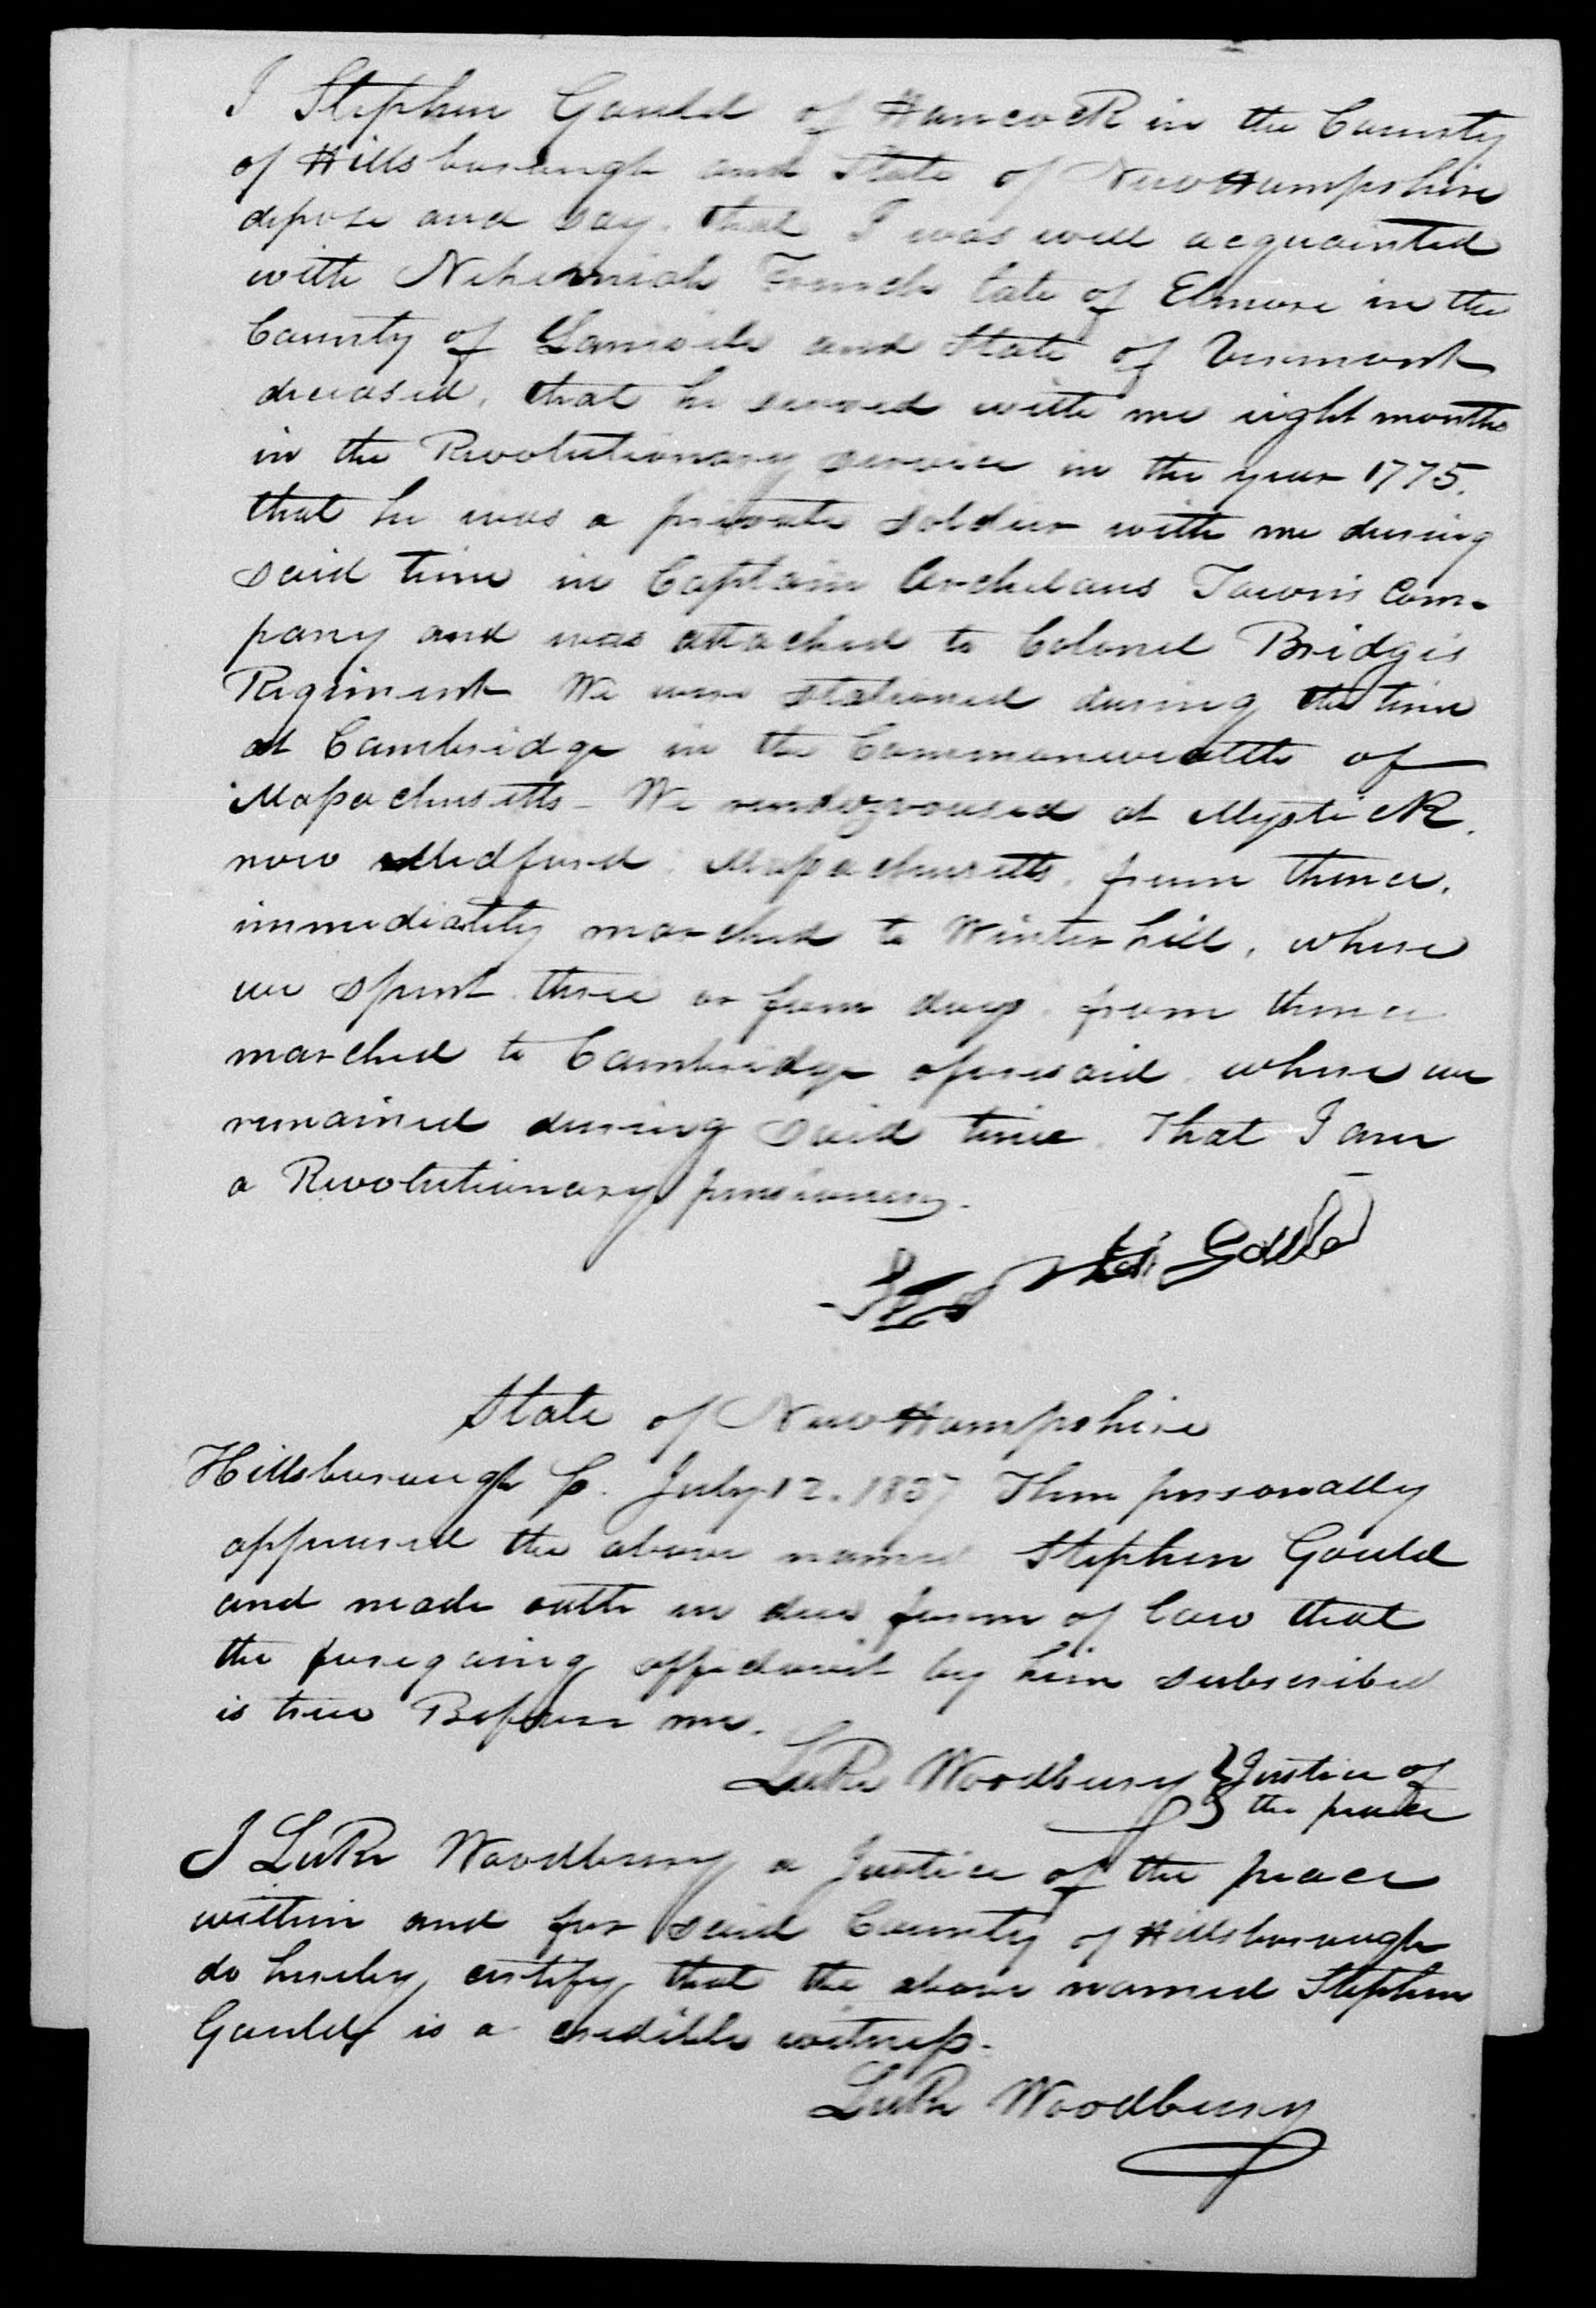I Stephen Gould of Hancock in the County of Hillsborough and State of New Hampshire depose and say that I was well acquainted with Nehemiah French late of Elmore in the County of Lamoille and State of Vermont, deceased.  that he served with me eight months in the Revolutionary service in the year 1775.  that he was a private soldier with me during said time in Captain Archibaus Town's Company and was attached to Colonel Bridge's Regiment--We were stationed during the time at Cambridge in the Commonwealth of Mafsachusetts--We redezvoused at Mystic R. now Medford Mafsachusetts, from thence immediately marched to Winter hill, where we spent three or four days from thence marched to Cambridge aforesaid where we remained during said time.  That I am a Revolutionary pensioner.
Stephen Gould

State of New Hampshire
Hillsborough fs.     July 12, 1837

Then personally appeared the above named Stephen Gould and made oath in due form of law that the foregoing affidavit by him subscribed is true
Before me.
Luke Woodbury    Justice of the peace

I Luke Woodbury a Justice of the peace within and for said County of Hillsborough do hereby certify that the above named Stephen Gould is a credible witnefs.
Luke Woodbury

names: Luke Woodbury, Stephen Gould, Stephen Gould, Luke Woodbury, Stephen Gould, Luke Woodbury, Nehemiah French, Stephen Gould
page: 14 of 18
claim: widow's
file: W. 21,147, Nehemiah French, Mass. Or N.H.